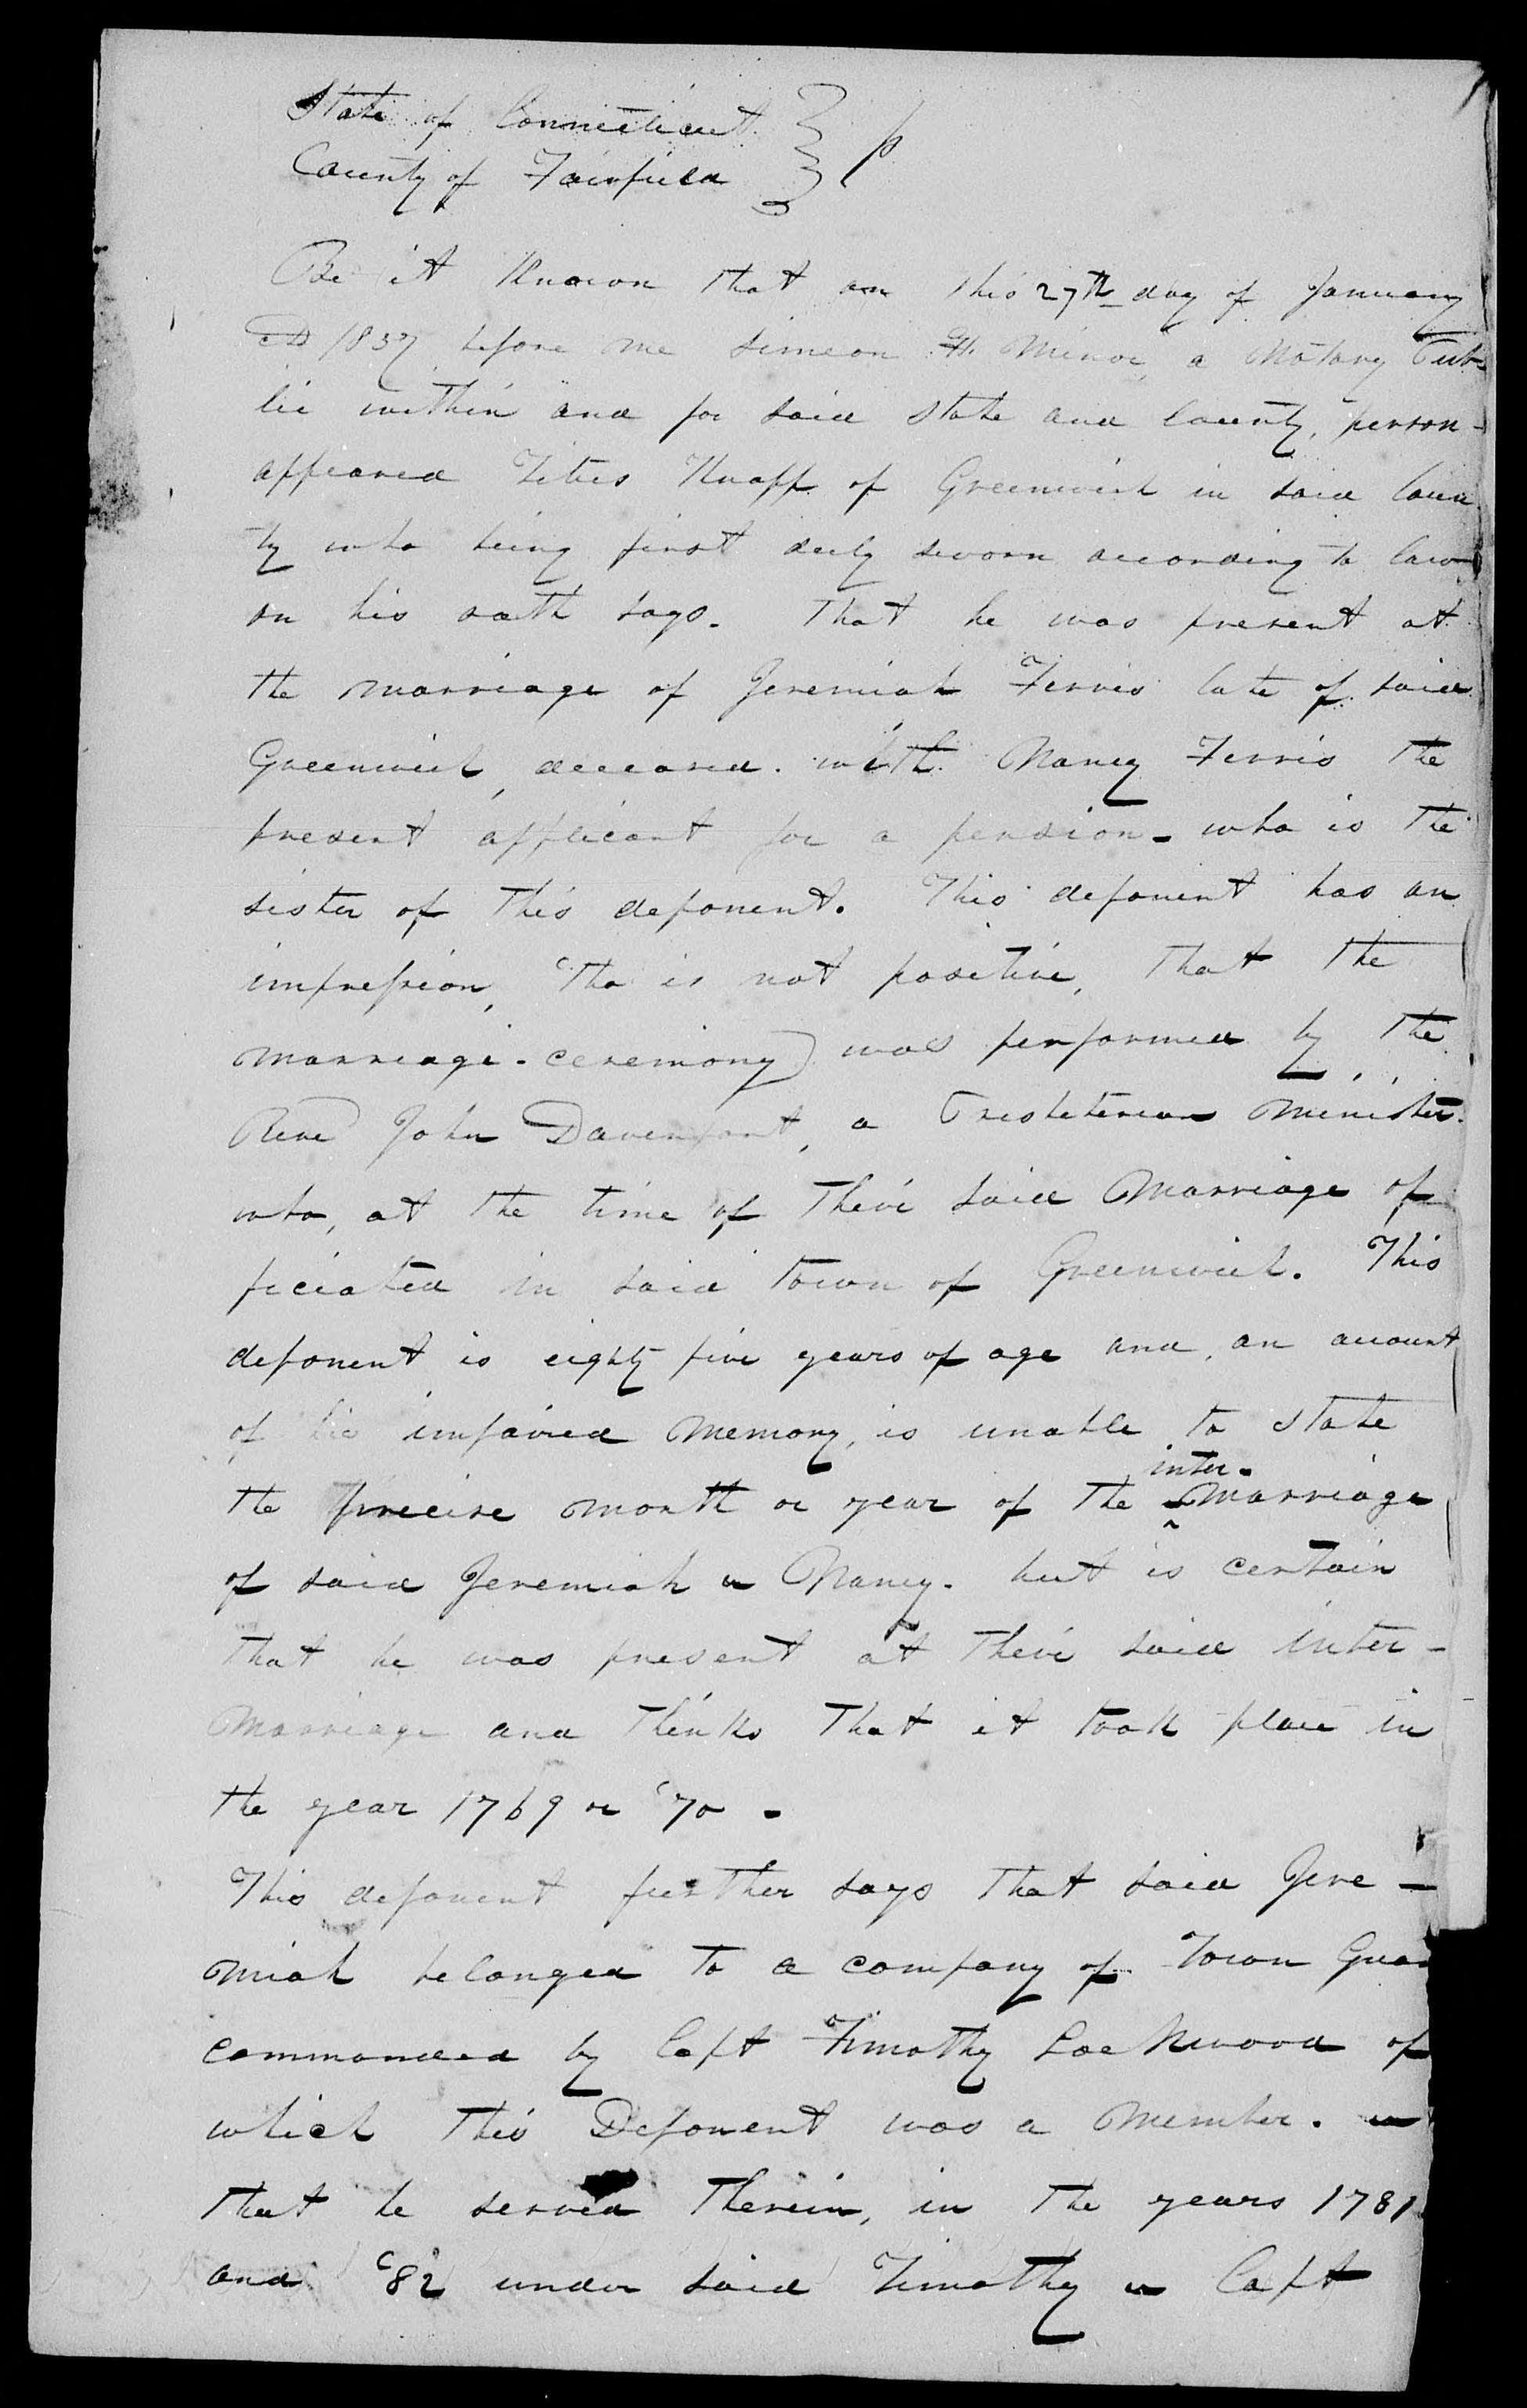State of Connecticut}
County of Fairfield} ss
Be it known that on this 27th day of January AD 1857 before me Simeon H. Minor a Notary Public  within and for said State and County, person appeared Titus Knapp of Greenwich in said County who being first duly sworn according to law on his oath says.  That he was present at the marriage of Jeremiah Ferris late of said Greenwich, deceased, with Nancy Ferris the present applicant for a pension, who is the sister of this deponent.  This deponent has in impression that is not positive.  That the marriage ceremony was performed by the Revd John Davenport, a Presbeterian [Presbyterian] Minister who, at the time of their said marriage officiated in said Town of Greenwich.  This deponent is eighty-five years of age and on account of his impaired memory, is unable to state the precise month or year of the inter-marriage of said Jeremiah & Nancy, but is certain that he was present at their said inter-marriage and that it took place in the year 1769 or'70.
This deponent further says that said Jeremiah belonged to a company of Town Guards commanded by Capt Timothy Lockwood of which this Deponent was a member.  That he served therein, in the years 1781 and '82 under said Timothy & Capt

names: Titus Knapp, Timothy Lockwood, Jeremiah, Jeremiah Ferris, Simeon H Minor, Nancy Ferris, Jeremiah, John Davenport, Timothy, Nancy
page: 9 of 14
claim: widow's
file: W. 17897, Jeremiah Ferris, Conn.